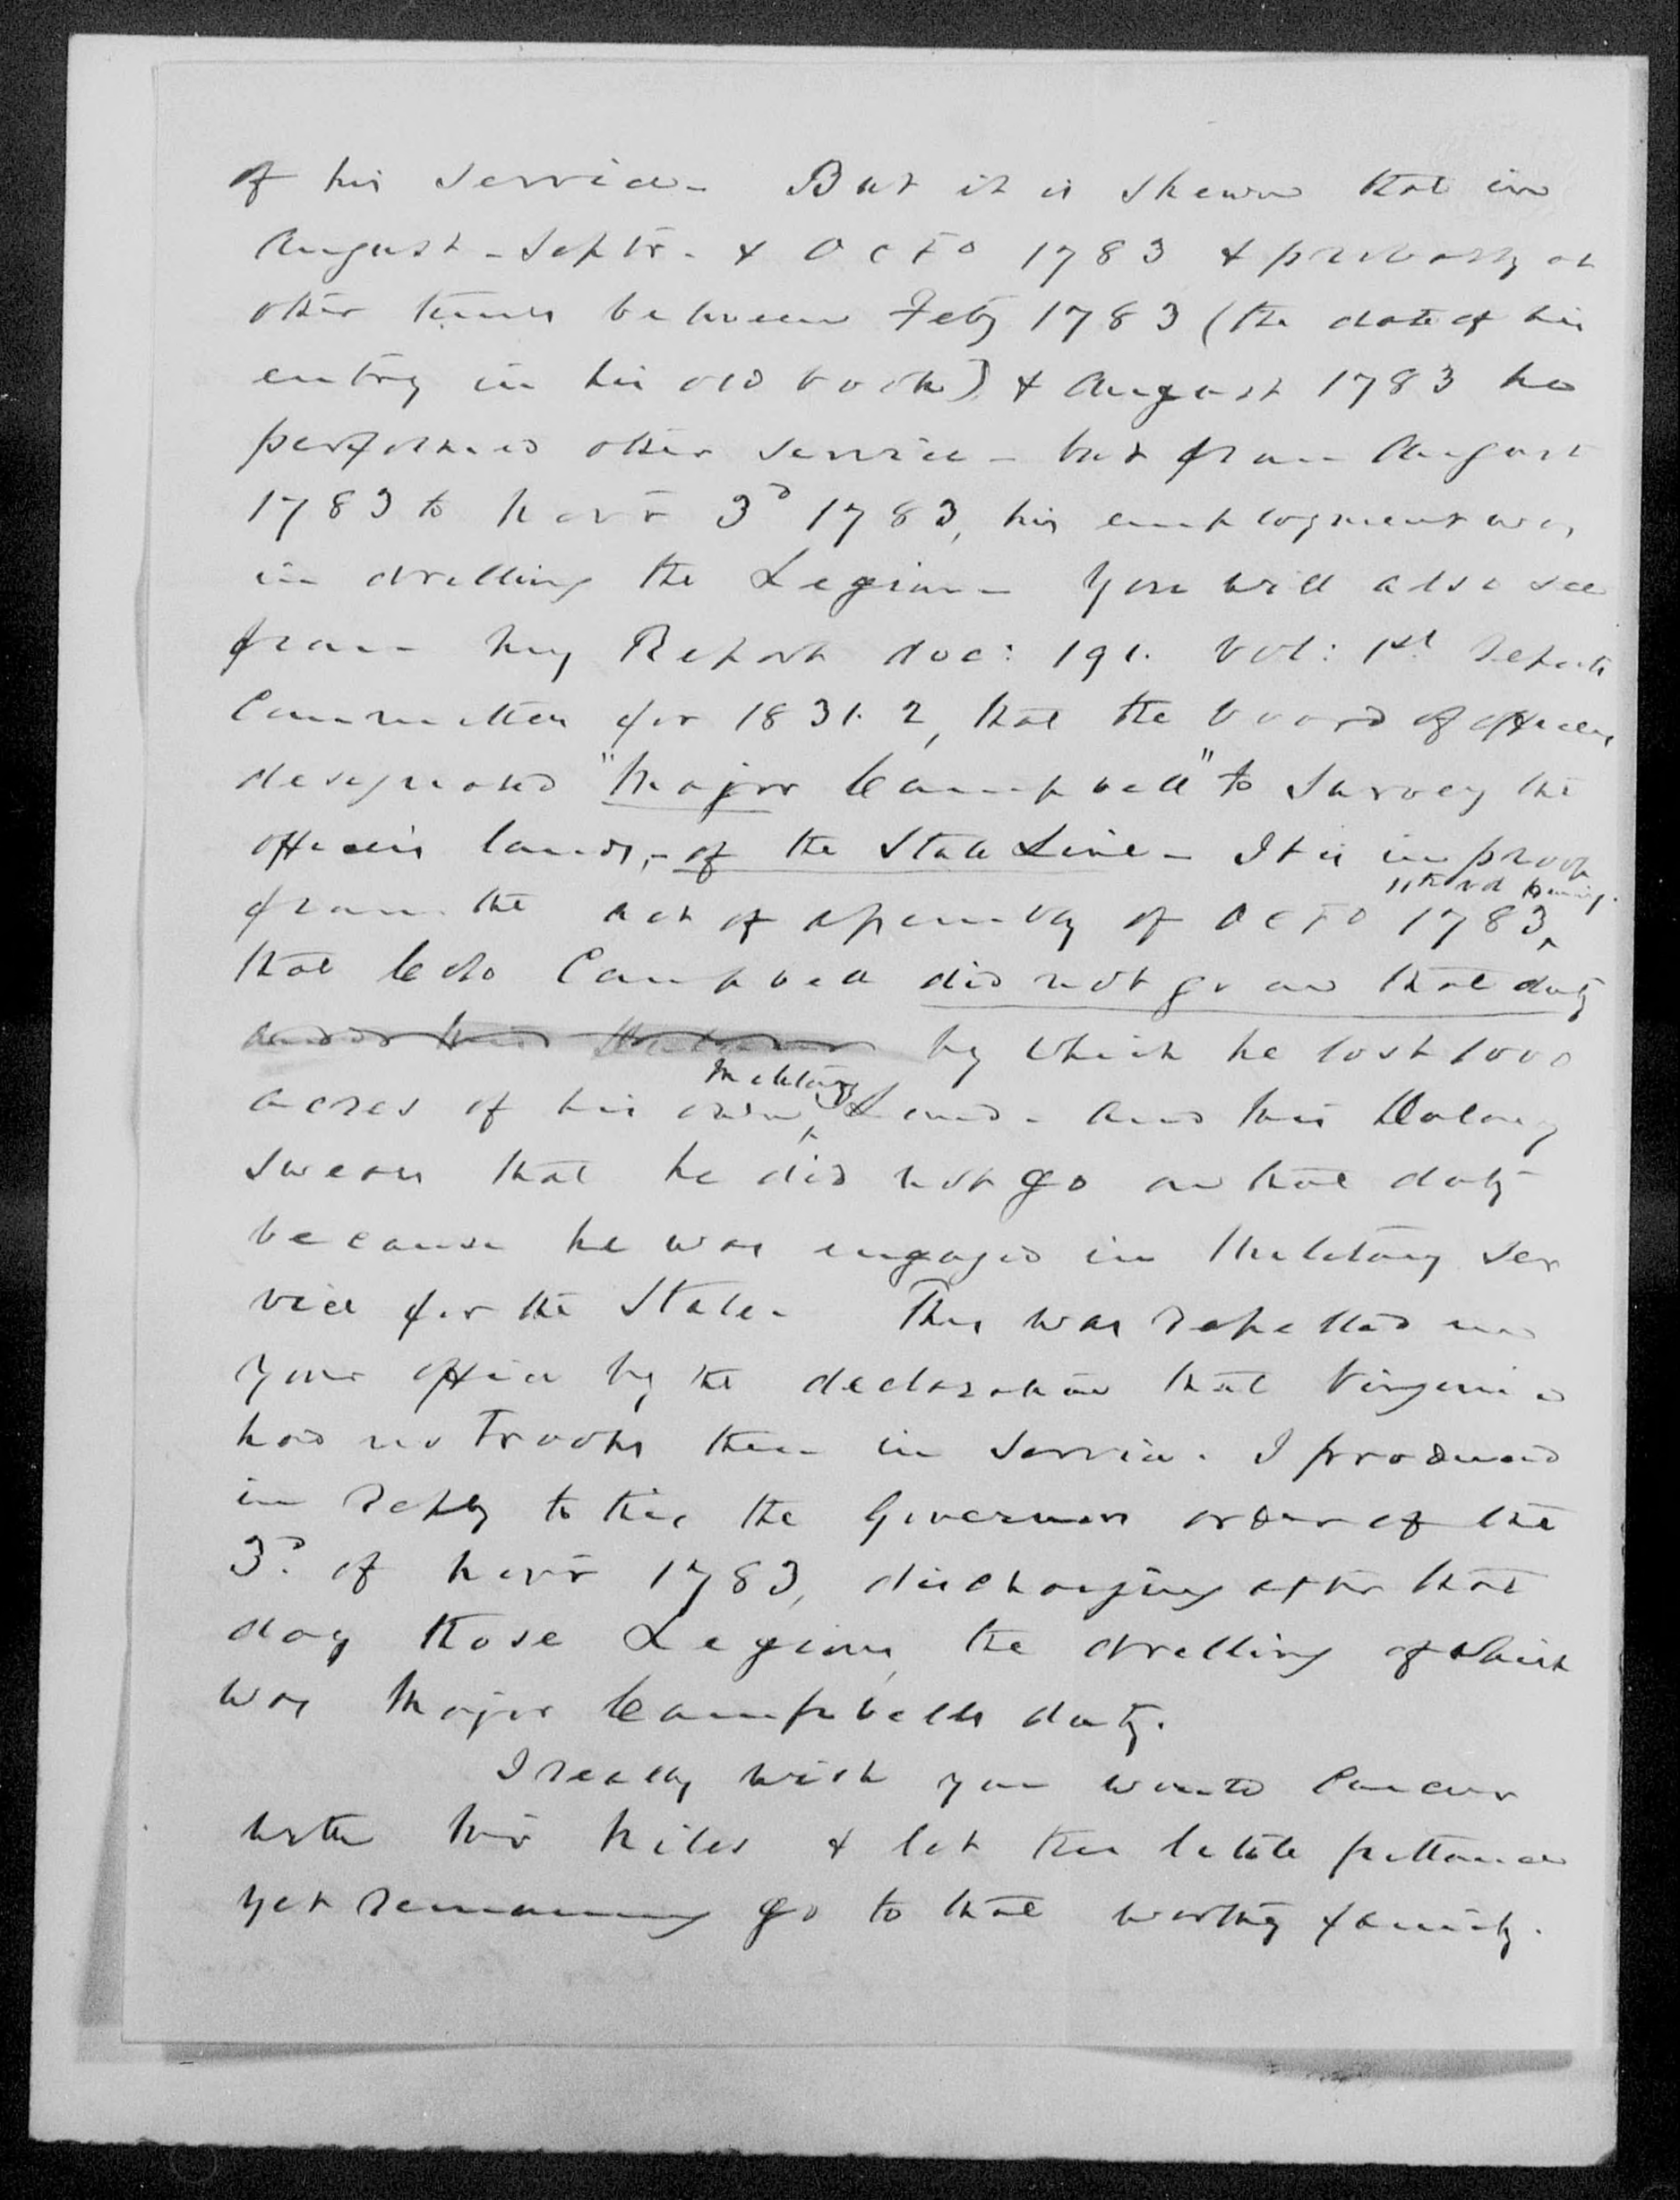of his service - But it is shown that in
August - Septr - + Octo 1783 + probably on
other times between Feby 1783 (the date of his
entry in his old book) + August 1783 he
performed other service - but from August
1783 to Novr 3d 1783, his last regiment we,
in drilling the Legion - you will also see
from - my Report doc: 191. Vol: 1st Reports
[illegible] for 1831. 2, that he [illegible] of office
[illegible] "Major Campbell" to [illegible] the
officer land, - of the State line - It is in proof
from the act of [illegible] of Octo 1783 ^11th va [illegible]^
that Colo Campbell did not go on that day
[illegible: crossed out] by which he lost 1000
acres of his own ^[illegible]^ land - and his [illegible]
swear that he did not go on that day
because he was engaged in Military service
for the State - This was [illegible] [illegible]
your office by the declaration that Virginia
had not Troops there in Service. I produced
in reply to this the Governor order of the
3.d of nov.r 1783, discharging after that 
day [illegible] Legion, the dwelling of which
was Major Campbells duty.
I really wish you would concur
with this [illegible] + let [illegible] [illegible] [illegible]
yet remaining go to that worthy family.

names: Campbell, Campbell, Campbell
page: 189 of 267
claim: widow's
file: W. 4,149, William Campbell, Va.